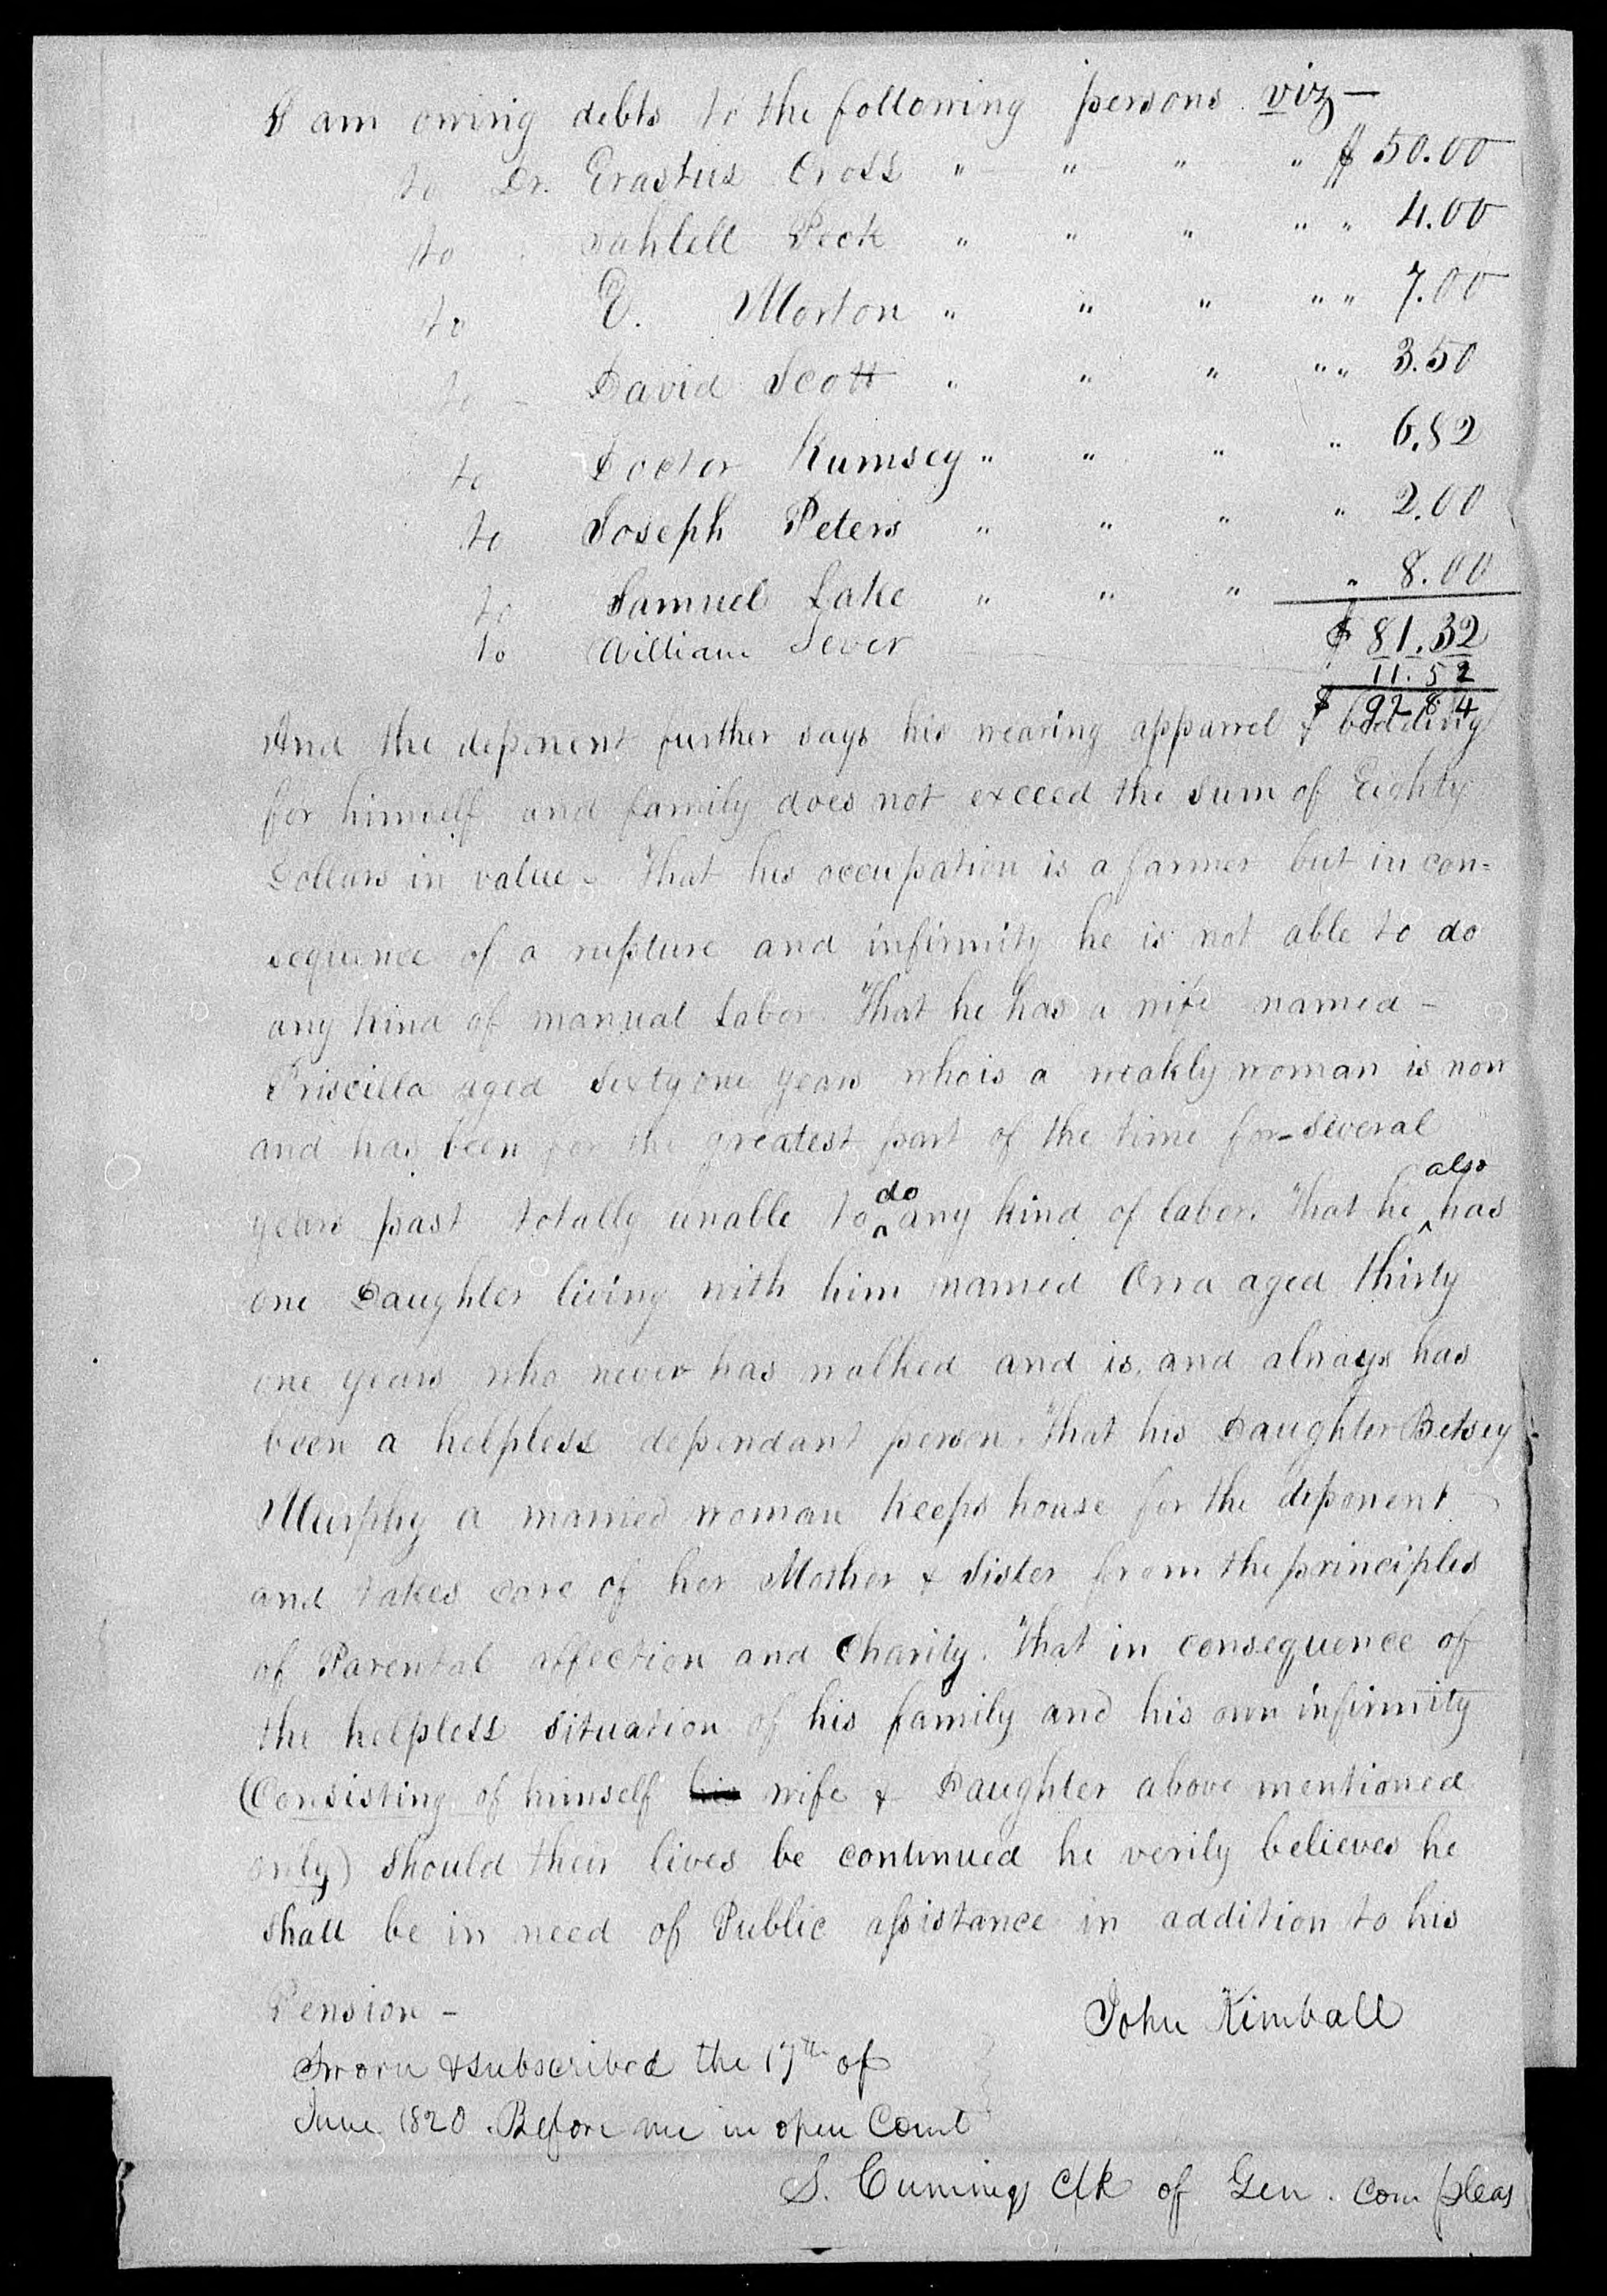I am owing debts to the following persons viz -
To Dr. Erastus Cross " " " " $50.00
To Jahtell Peck " " " " " 4.00
To V. Morton " " " " " 7.00
To David Scott " " " " " 3.50
To Doctor Rumsey " " " " 6.82
To Joseph Peters " " " " 2.00
To Samuel Lake " " " " 8.00
$81.32
To William Sever ----- 11.52
$92.84

And the deponent further says his wearing apparel & bedding for himself and family does not exceed the sum of Eighty Dollars in value - That his occupation is a farmer but in consequence of a rupture and infirmity he is not able to do any kind of manual labor. That he has a wife named Priscilla aged sixty one years who is a weakly woman is now and has been for the greatest part of the time for several years past totally unable to do any kind of labor. That he also has one daughter living with him named Orra aged thirty one years who never has walked and is and always has been a helpless dependant person. That his daughter Betsey Murphy a married woman keeps house for the deponent and takes care of her Mother & sister from the principles of Parental affection and charity. That in consequence of the helpless situation of his family and his own infirmity (consisting of himself wife & Daughter above mentioned only) should their lives be continued he verily believes he shall be in need of Public assistance in addition to his Pension -
John Kimball
Sworn & subscribed the 17 of June 1820. Before me in open Court
S. Cumings Clk of Gen. Com Pleas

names: S Cumings; Samuel Lake; David Scott; Priscilla [BLANK]; Betsey Murphy; John Kimball; William Sever; Orra [BLANK]; Joseph Peters; [BLANK] Rumsey; Jahlell Peck; E Morton; Erastus Cross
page: 5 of 36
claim: survivor's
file: S. 42,792, for John Kimball, Connecticut